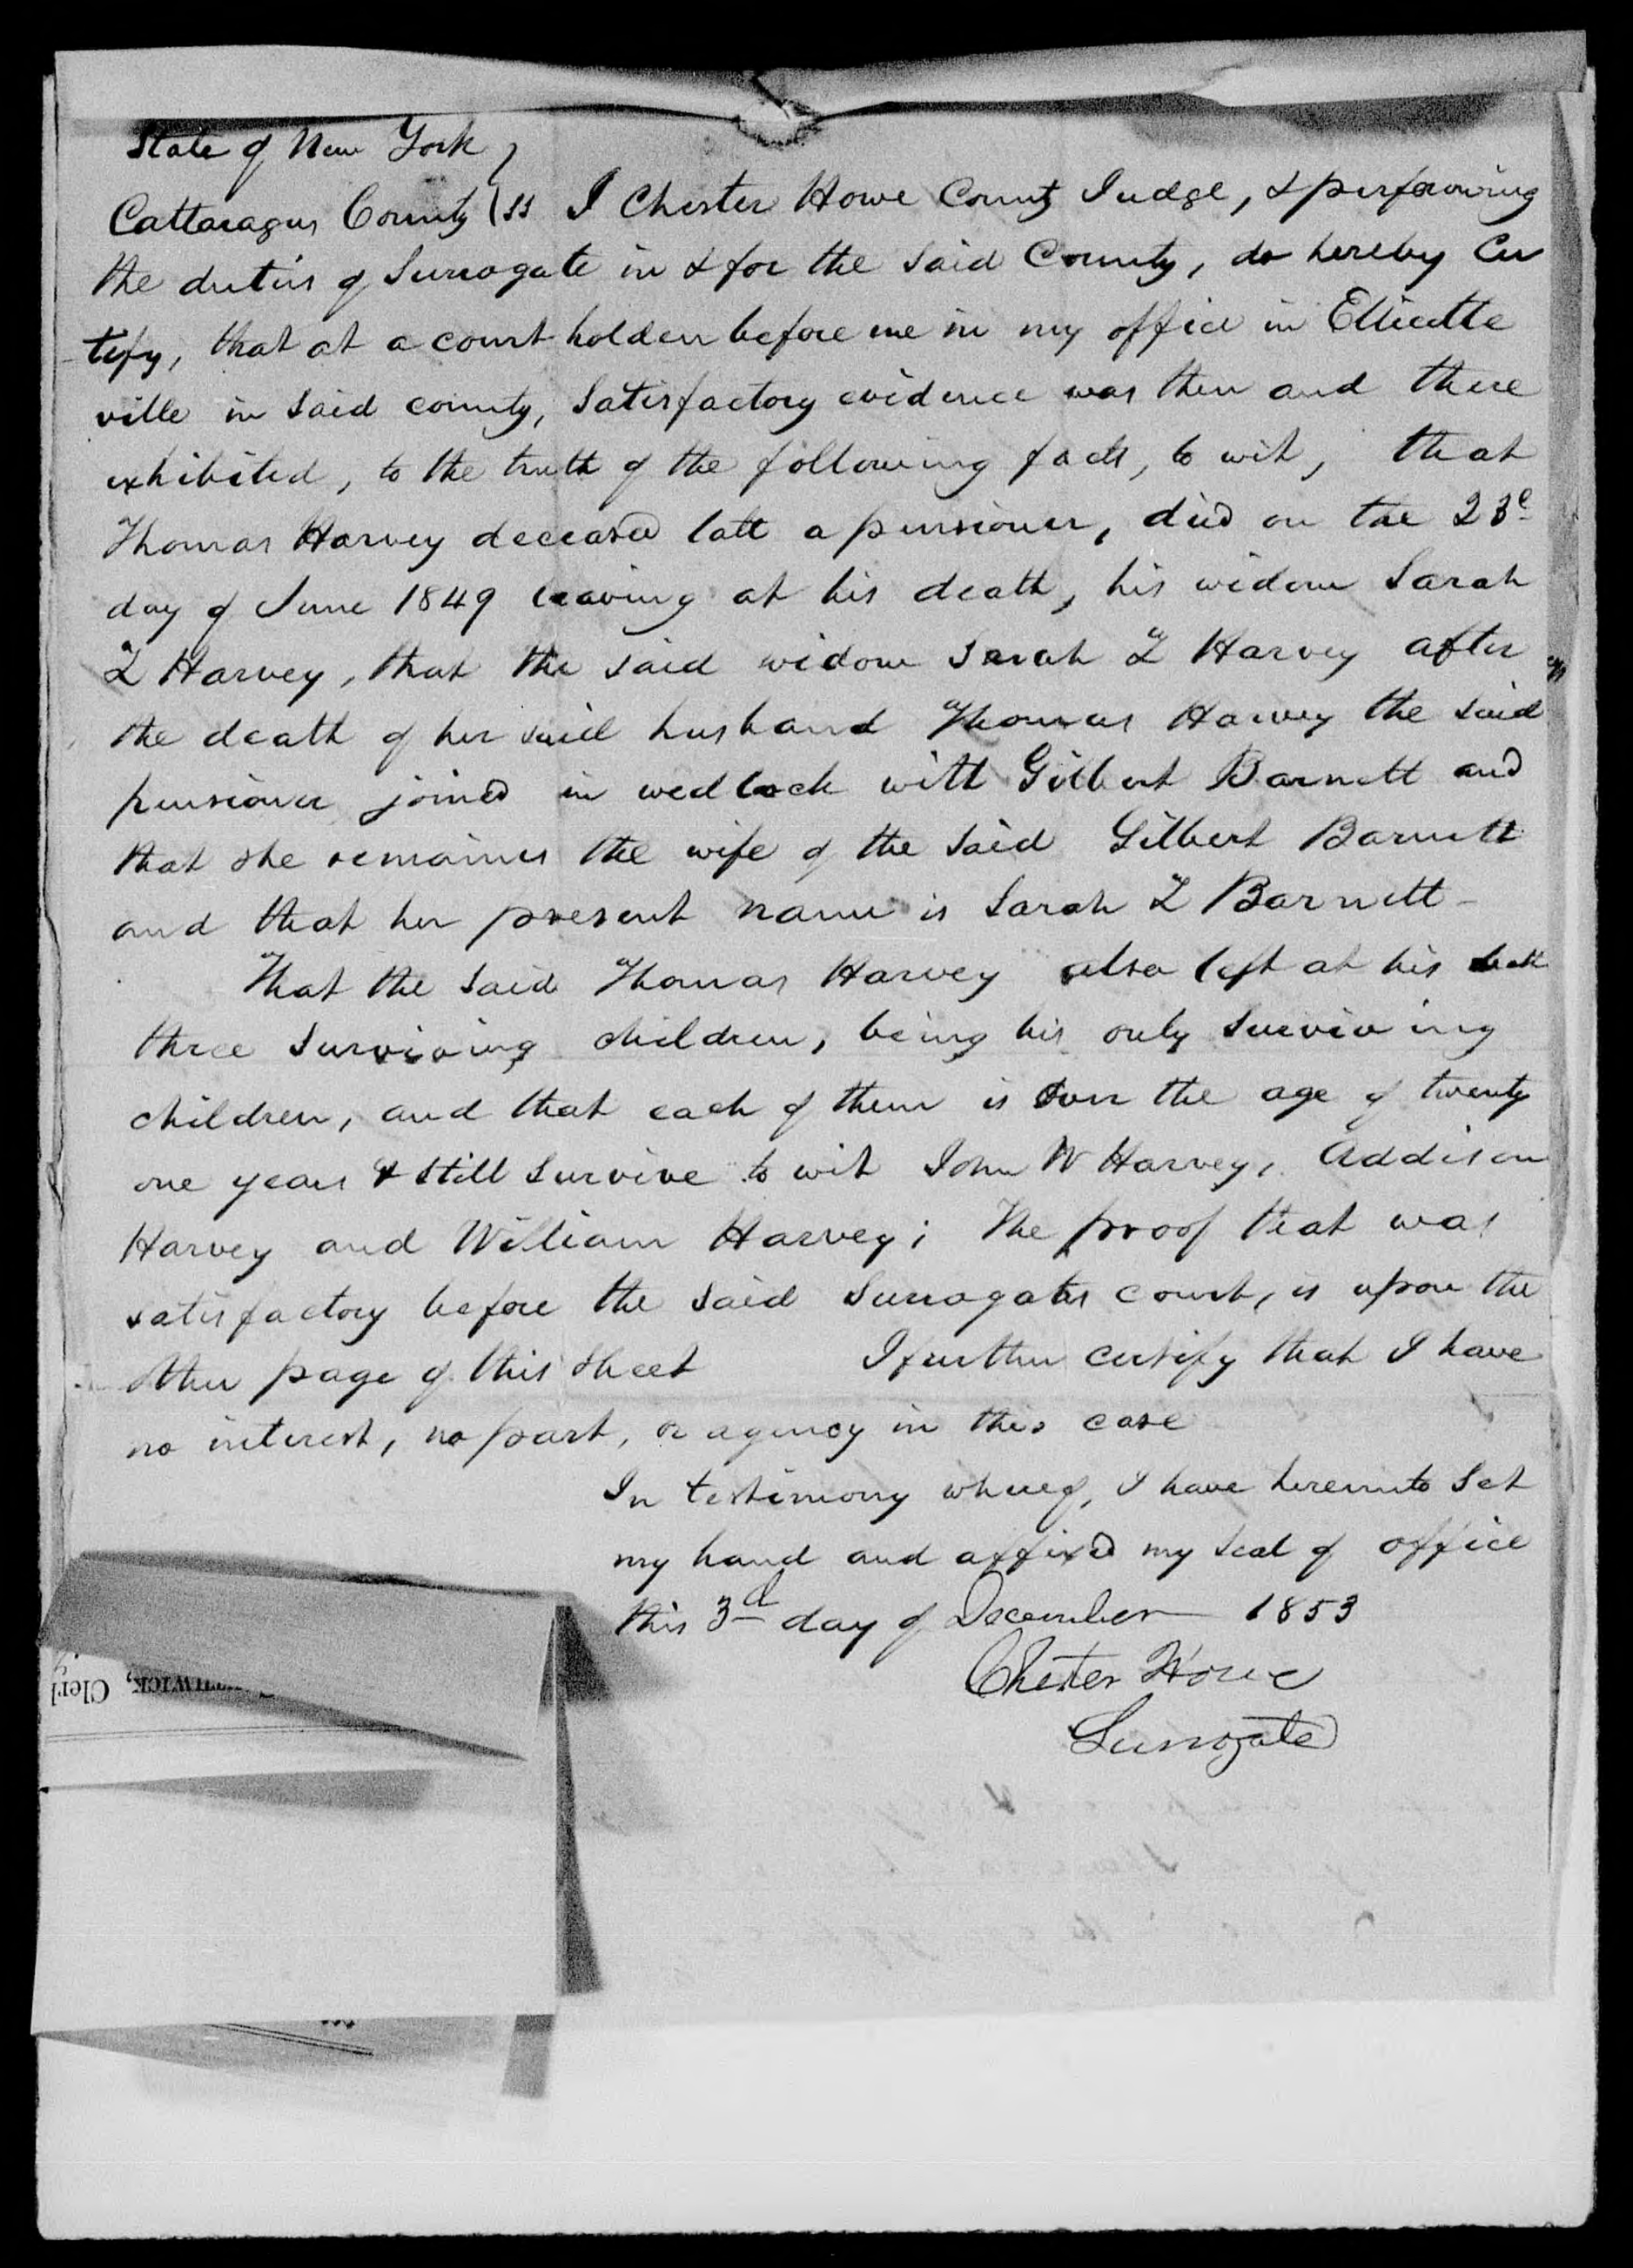State of New York
Cattagaugus County }ss I Chester Howe County Judge, & performing the duties of Surrogate in & for the said County, do hereby certify, that at a court holden before me in my office in Ellicottville in said county, satisfactory evidence was then and there exhibited, to the truth of the following facts, to wit that Thomas Harvey deceased late a pensioner, died on the 23d day of June 1849 leaving at his death, his widow Sarah Z. Harvey, that the said widow Sarah Z. Harvey after the death of her said husband Thomas Harvey the said pensioned joined in wedlock with Gilbert Barnett and that she remains the wife of the said Gilbert Barnett and that her present name if Sarah Z. Barnett -
That the said Thomas Harvey also left at his death three surviving children, being his only surviving children, and that each of them is over the age of twenty one years & still survive to wit John W. Harvey, Addison Harvey and William Harvey; The proof that was satisfactory before the said surrogate's court, is upon the other page of this sheet I further certify that I have no interest, no part, or agency in this case.
[court seal] In testimony whereof, I have hereunto set my hand and affixed my Seal of  office this 3d day of December 1853
/s/Chester Howe Surrogate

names: Sarah Z Barnett, Chester Howe, William Harvey, Gilbert Barnett, Chester Howe, Thomas Harvey, John W Harvey, Gilbert Barnett, Sarah Z Harvey, Addison Harvey, Sarah Z Harvey, Thomas Harvey, Thomas Harvey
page: 18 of 80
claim: survivor's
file: S. 18008, Thomas Harvey, N.H.